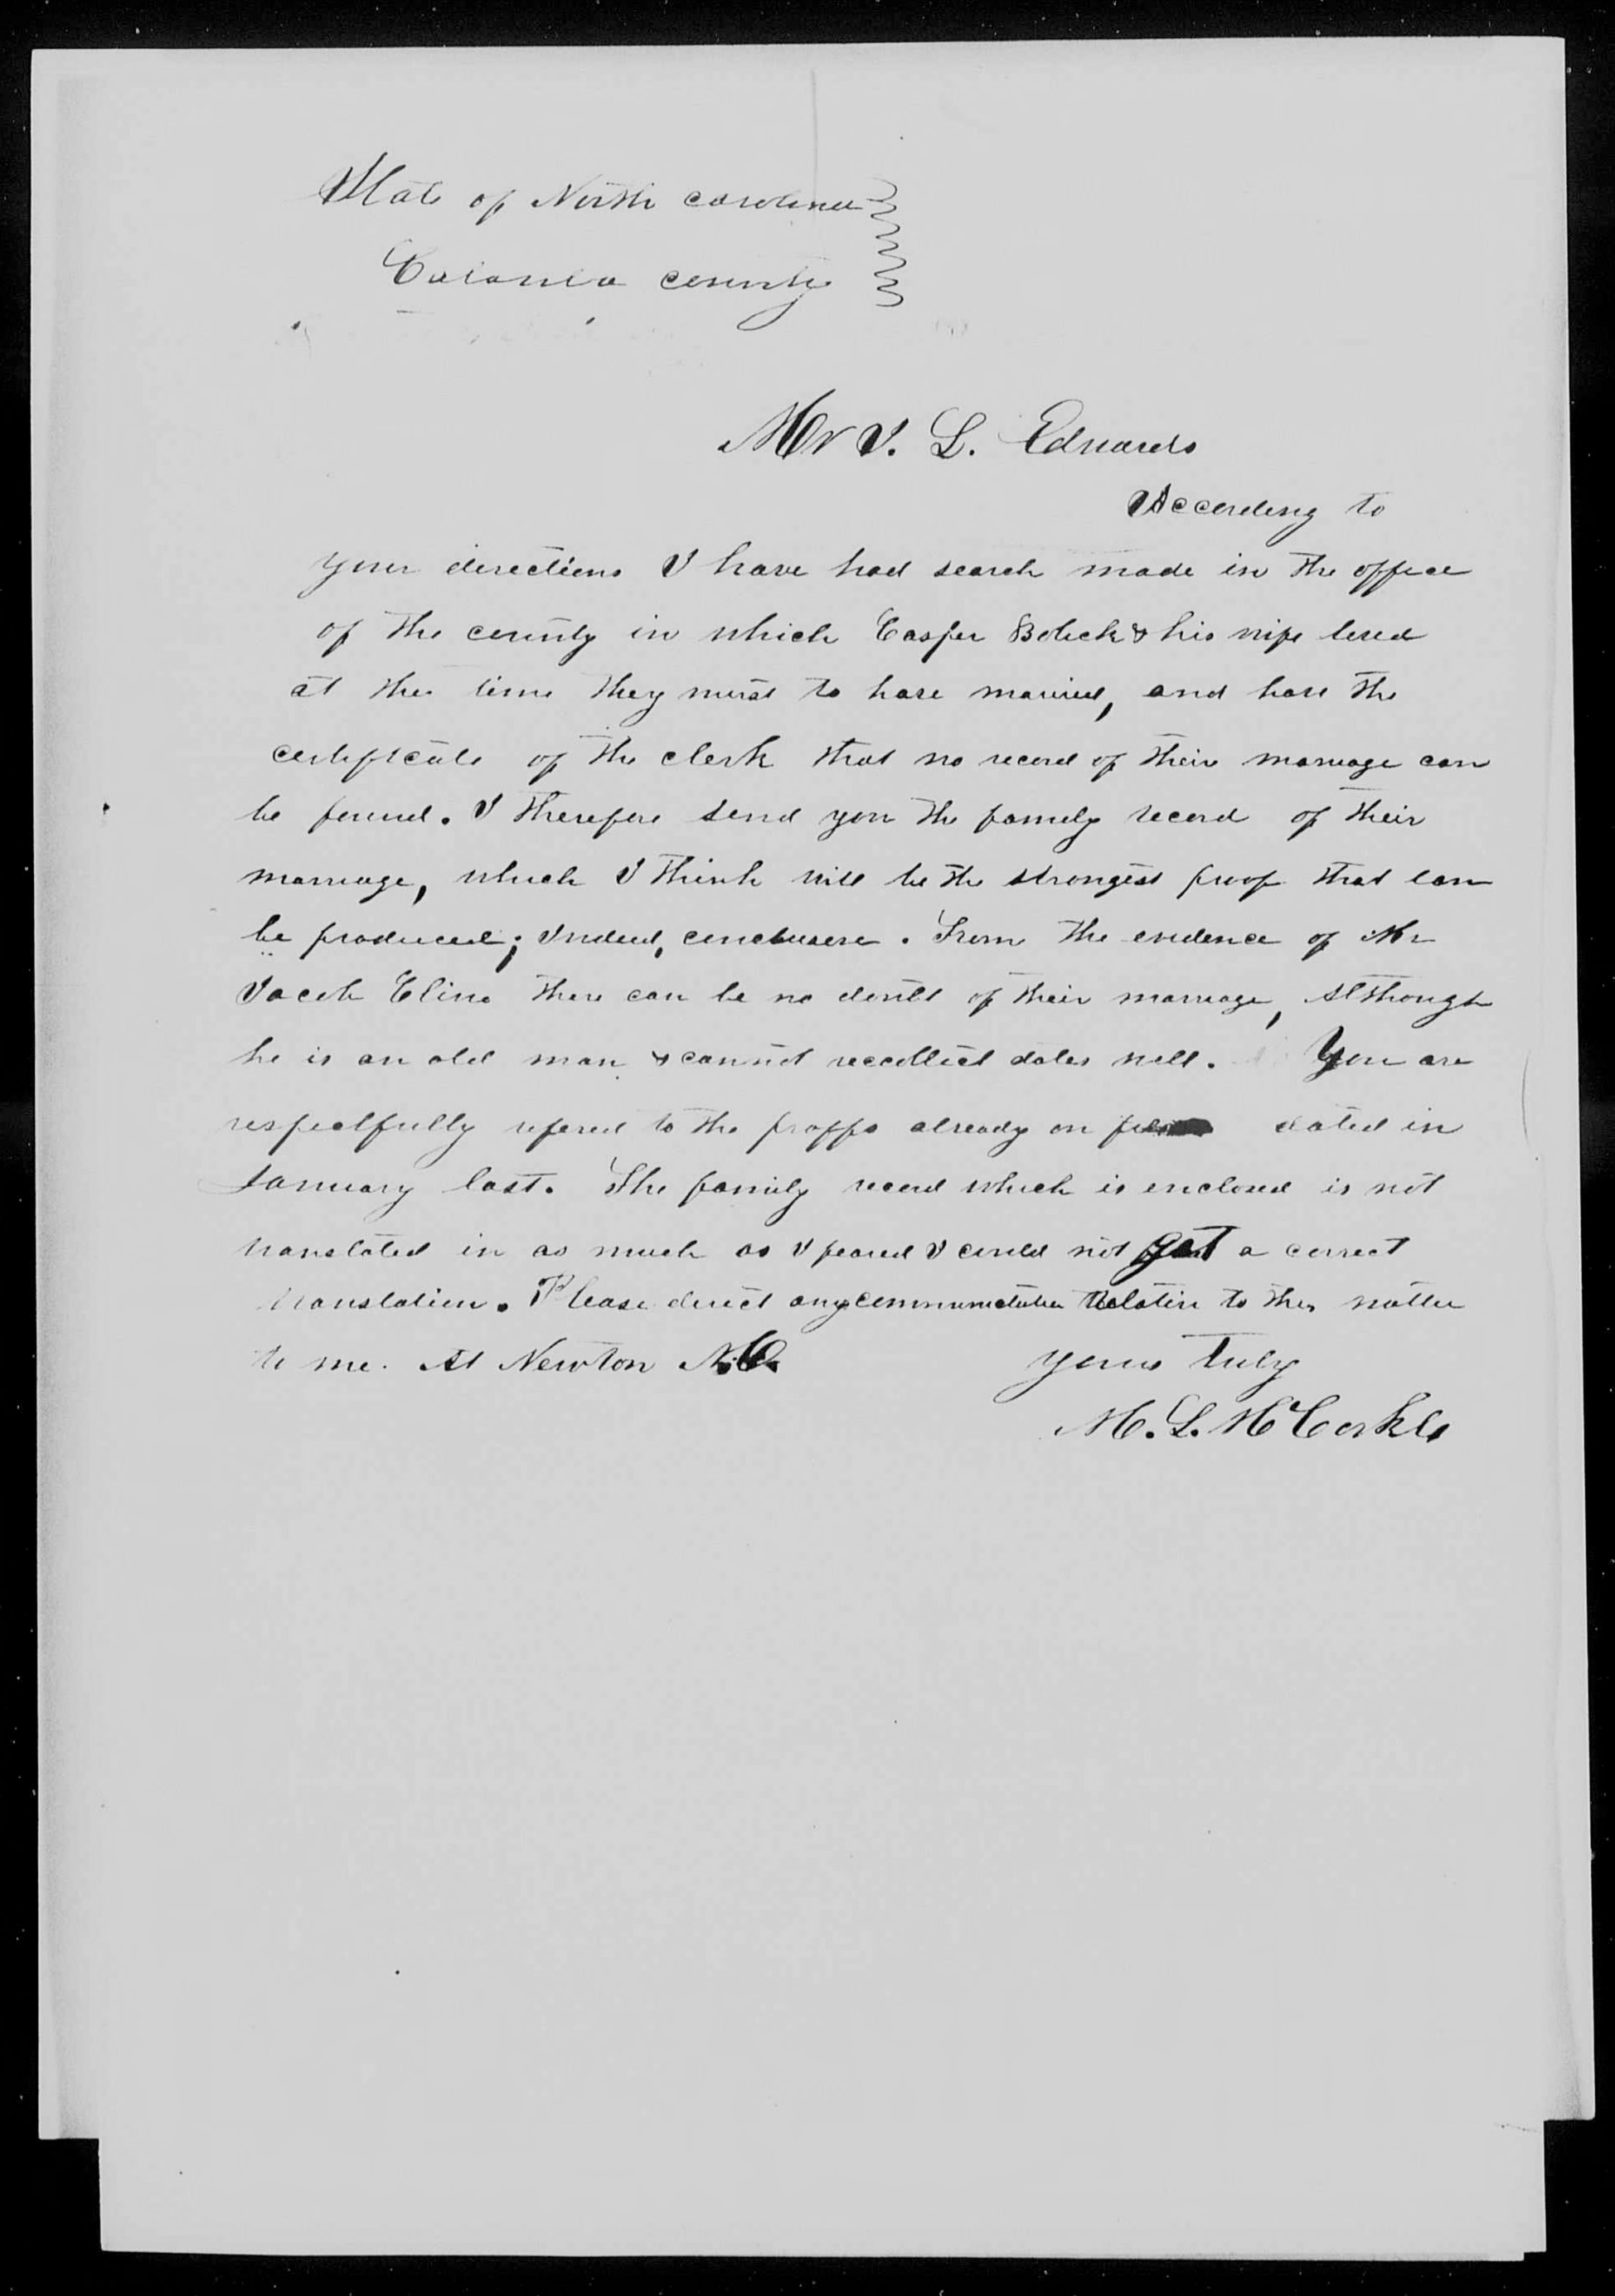State of North Carolina}
Catawba County}
Hon. J. L. Edwards
According to your directions I have had search made in the office of the county in which Casper Bolick & his wife lived at the time they must to have married, and have the certificate of the clerk that no record of their marriage can be found. I therefore send you the family record of their marriage, which I think will be the strongest proof that can be produced; Indeed conclusive. From the evidence of Mr. Jacob Cline there can be no doubt of their marriage, although he is an old man & cannot recollect dates well. You are respectfully referred to the proofs already on file dated January last. The family record which is enclosed is not translated in as much as I feared I could not get a correct translation. Please direct any communication relative to this matter to me. At Newton N. C. 
Yours truly
[Signature] M. L. McCorkle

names: J L Edwards, M L Mc Corkle, Jacob Cline, Casper Bolick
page: 36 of 43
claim: widow's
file: W. 18,566, Casper Bolick, N.C.